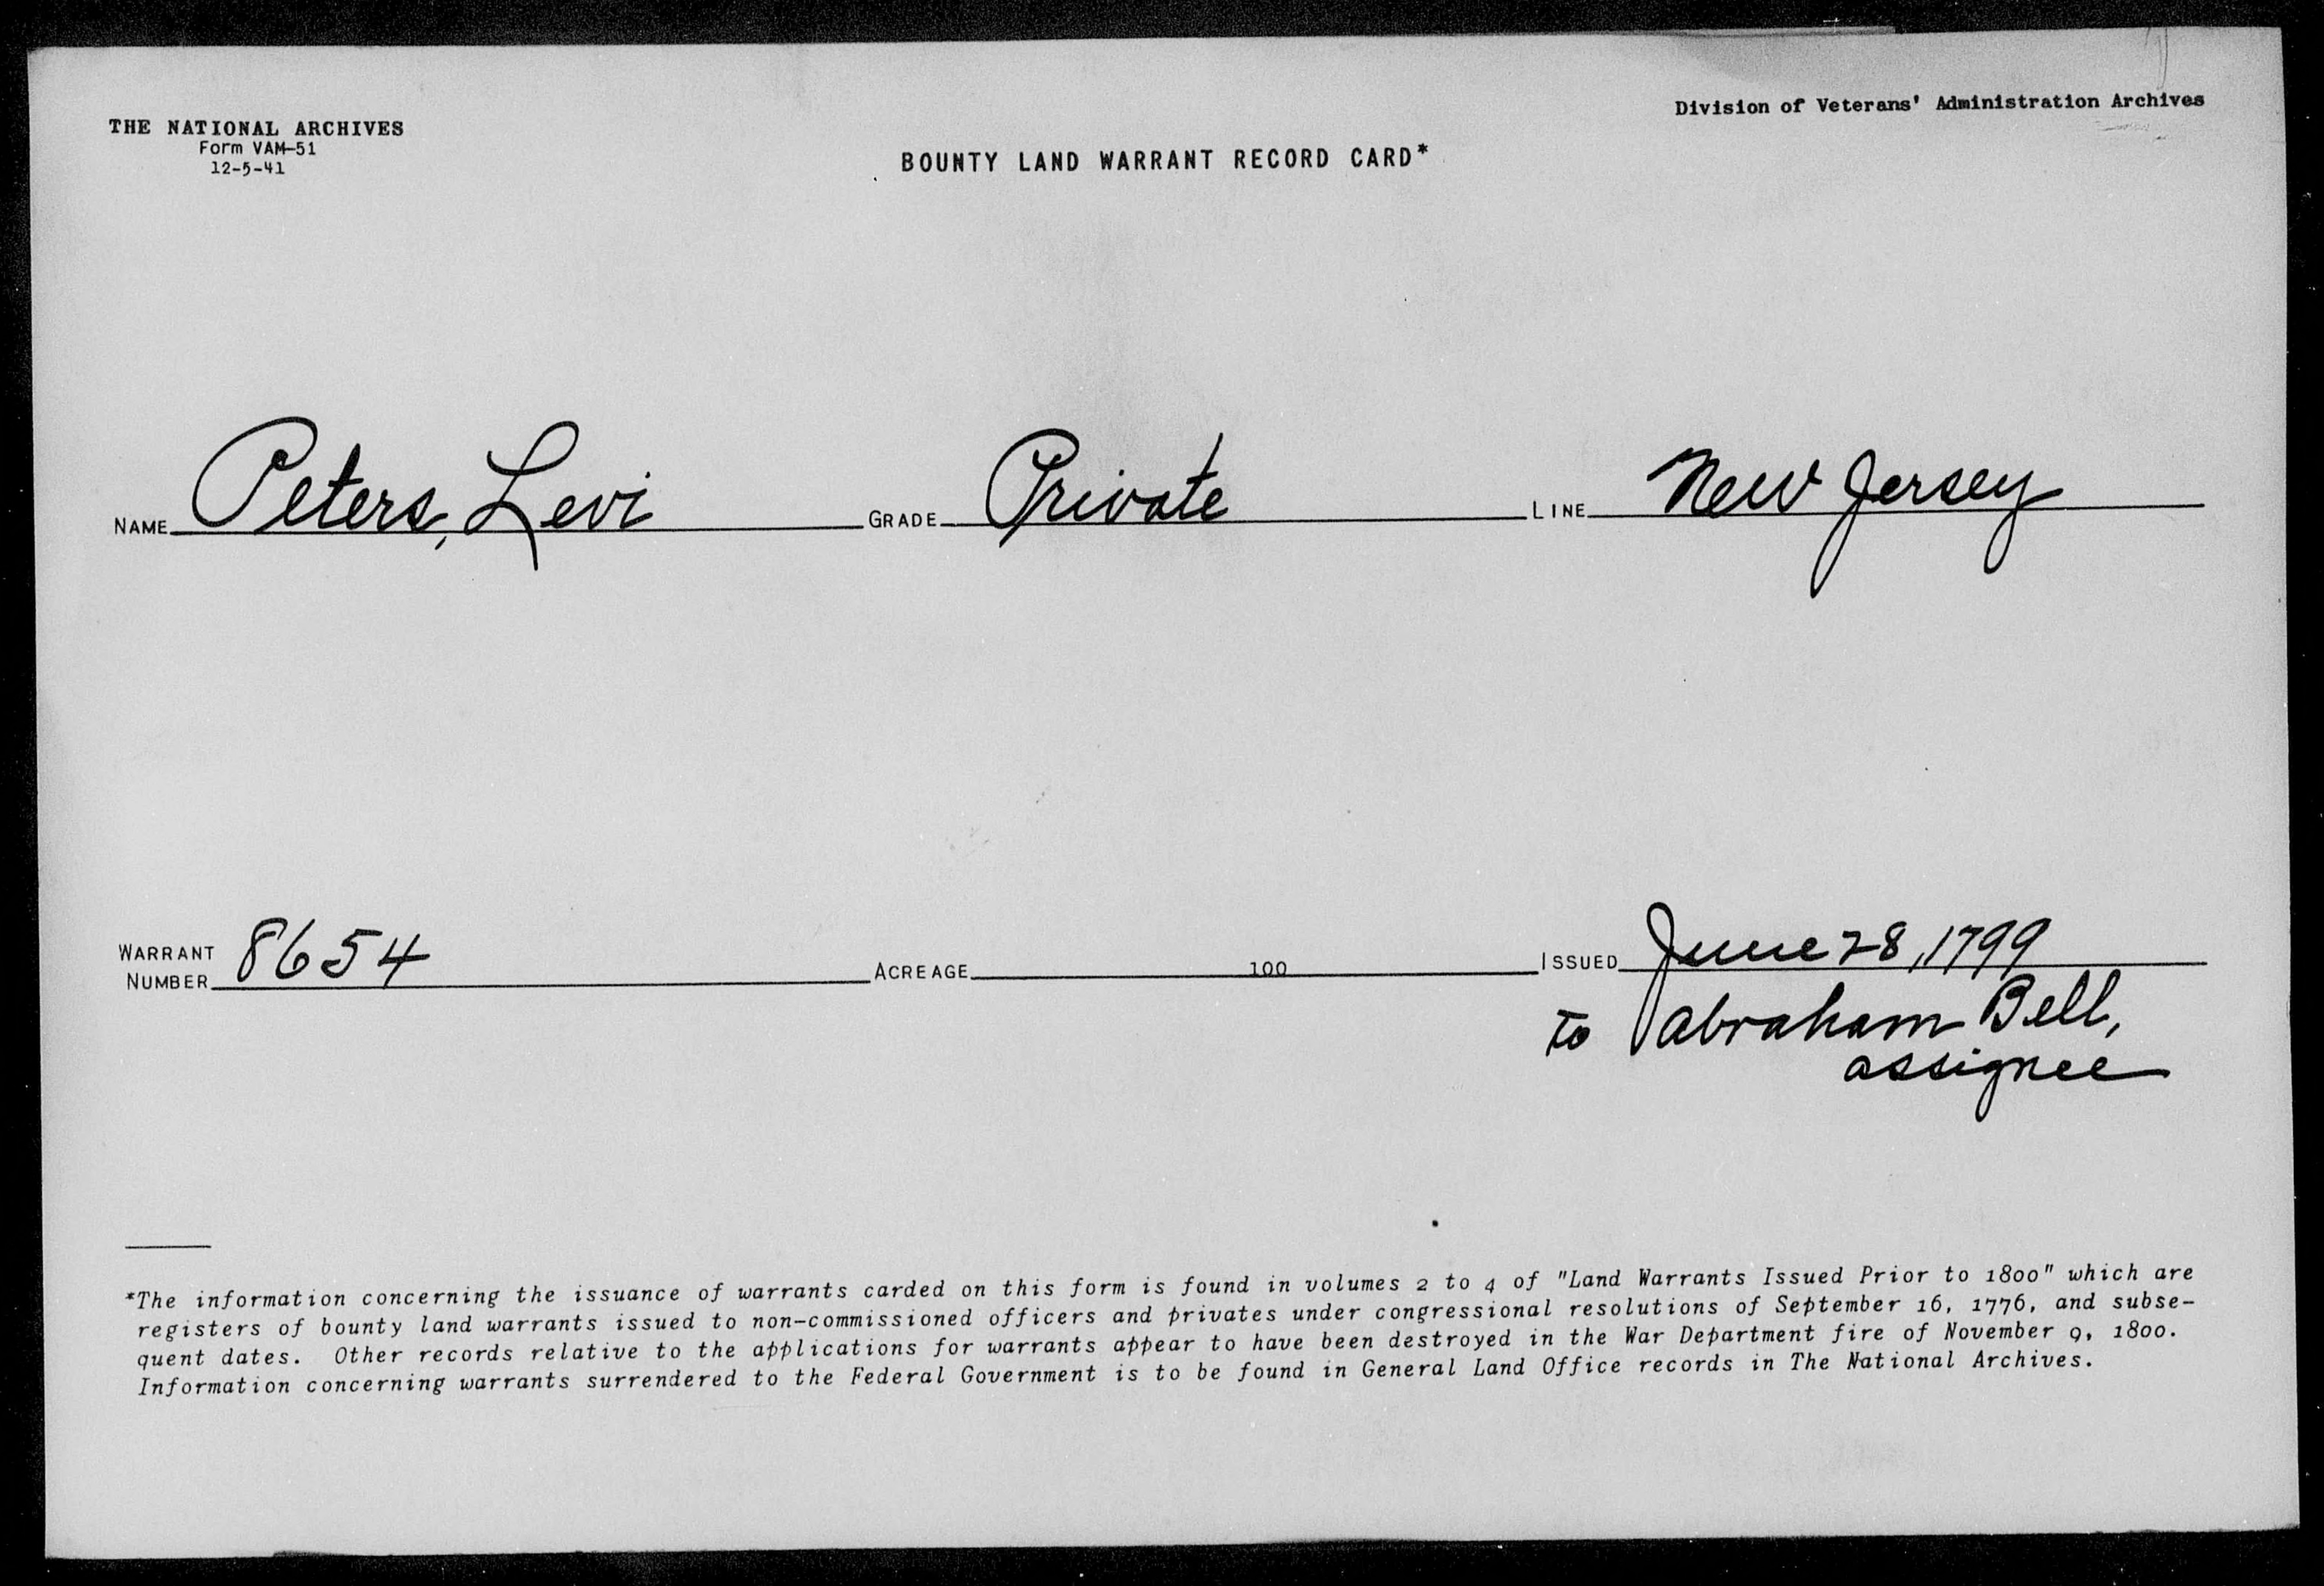THE NATIONAL ARCHIVES 
Form VAM-51 
12-5-41 
BOUNTY LAND WARRANT RECORD CARD* 
Division of Veterans' Administration Archives 
NAME   Peters, Levi    GRADE  Private    LINE   New Jersey
WARRANT NUMBER   8654    ACREAGE  100    ISSUED  June 28, 1799
To Abraham Bell, assignee
The information concerning the issuance of warrants carded on this form is found in volumes 2 to 4 of "Land Warrants Issued Prior to 1800" which are Information concerning warrants surrendered to the Federal Government is to be found in General Land Office records in The National Archives. registers of bounty land warrants issued to non-commissioned officers and privates under congressional resolutions of September 16, 1776, and subsequent dates. Other records relative to the applications for warrants appear to have been destroyed in the War Department fire of November 9, 1800.  Information concerning warrants surrendered to the Federal Government is to be found in General Land Office records in the National Archives.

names: Levi Peters; Abraham Bell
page: 73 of 73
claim: widow's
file: W. 2338, for Joseph P Peters, Connecticut